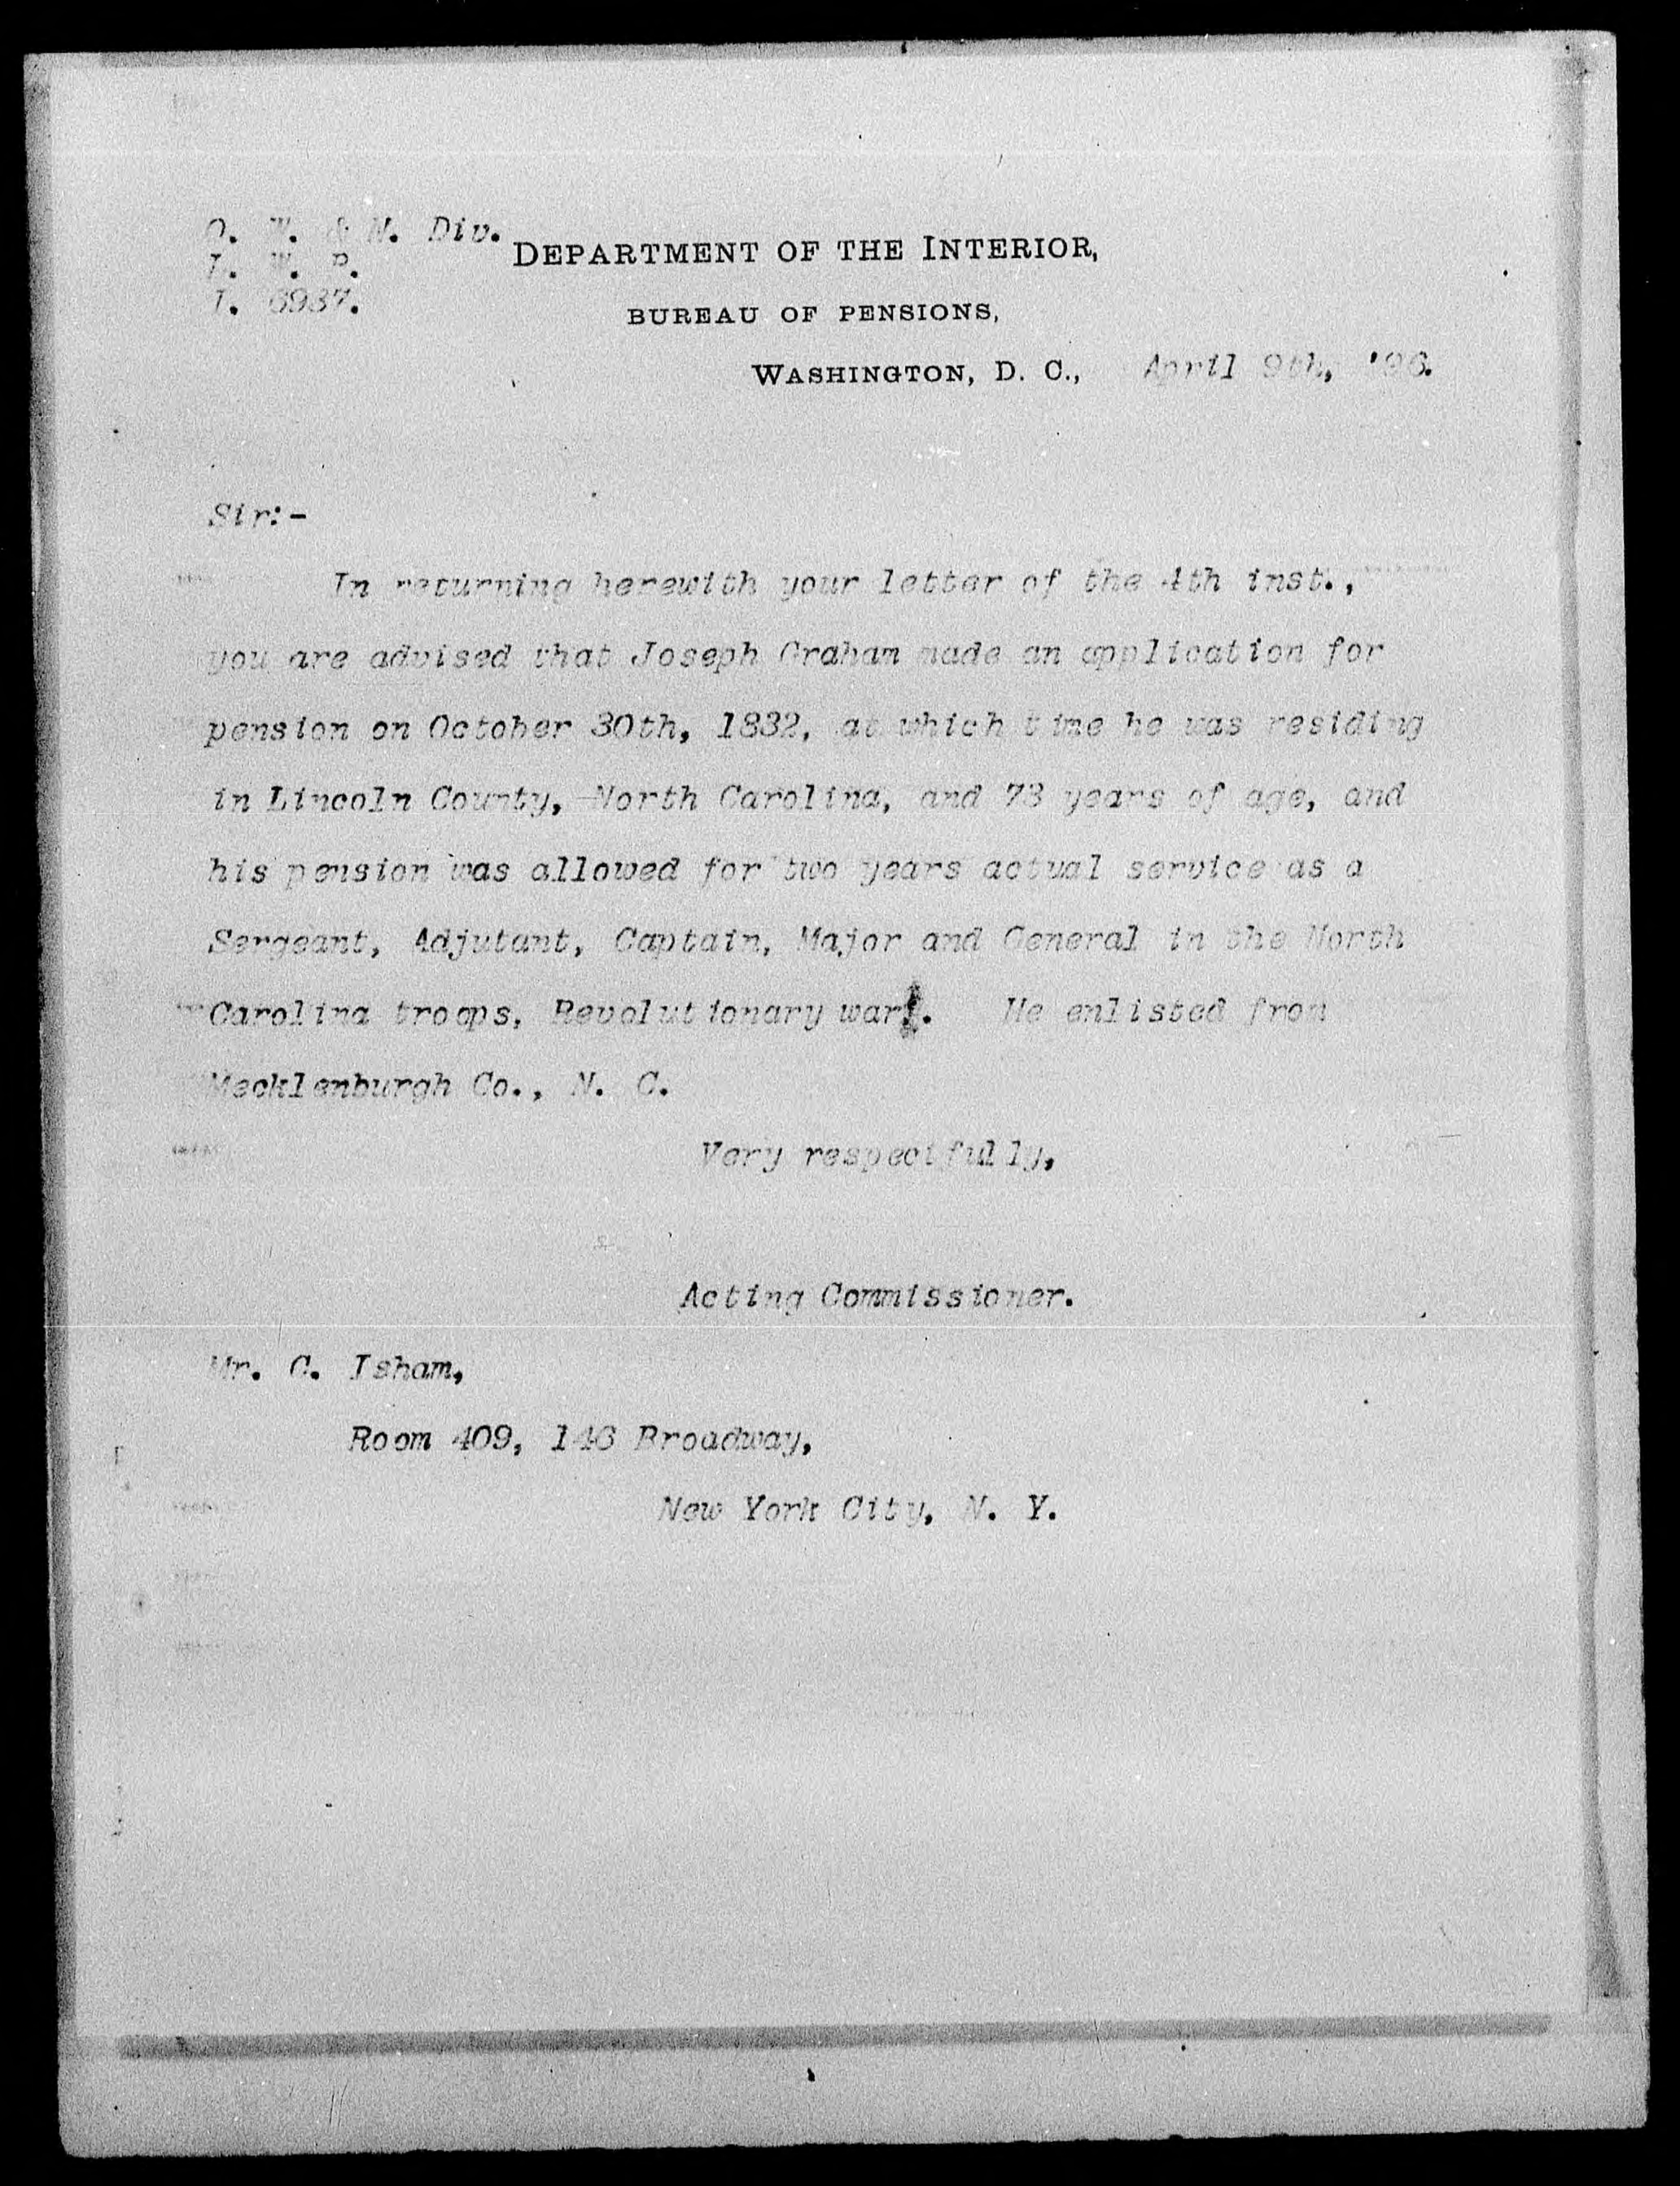O.W.&N. DIV.
R.W.P.
F.6937.

DEPARTMENT OF THE INTERIOR
BUREAU OF PENSIONS
WASHINGTON, D.C., April 9th, 196.

Sir:-

In returning herewith your letter of the 4th inst., you are advised that Joseph Graham made an application for pension on October 30th, 1832, at which time he was residing in Lincoln County, North Carolina, and 73 years of age, and his pension was allowed for two years actual service as a Sergeant, Adjutant, Captain, Major and General in the North Carolina troops, Revolutionary war. He enlisted from Mecklenburgh Co., N.C. 

Very respectfully,

Acting Commissioner.

Mr. C. Isham,
Room 409, 146 Broadway,
New York City, N.Y.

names: Joseph Graham, C Isham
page: 32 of 55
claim: survivor's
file: S. 6,937, Joseph Graham, N.C.